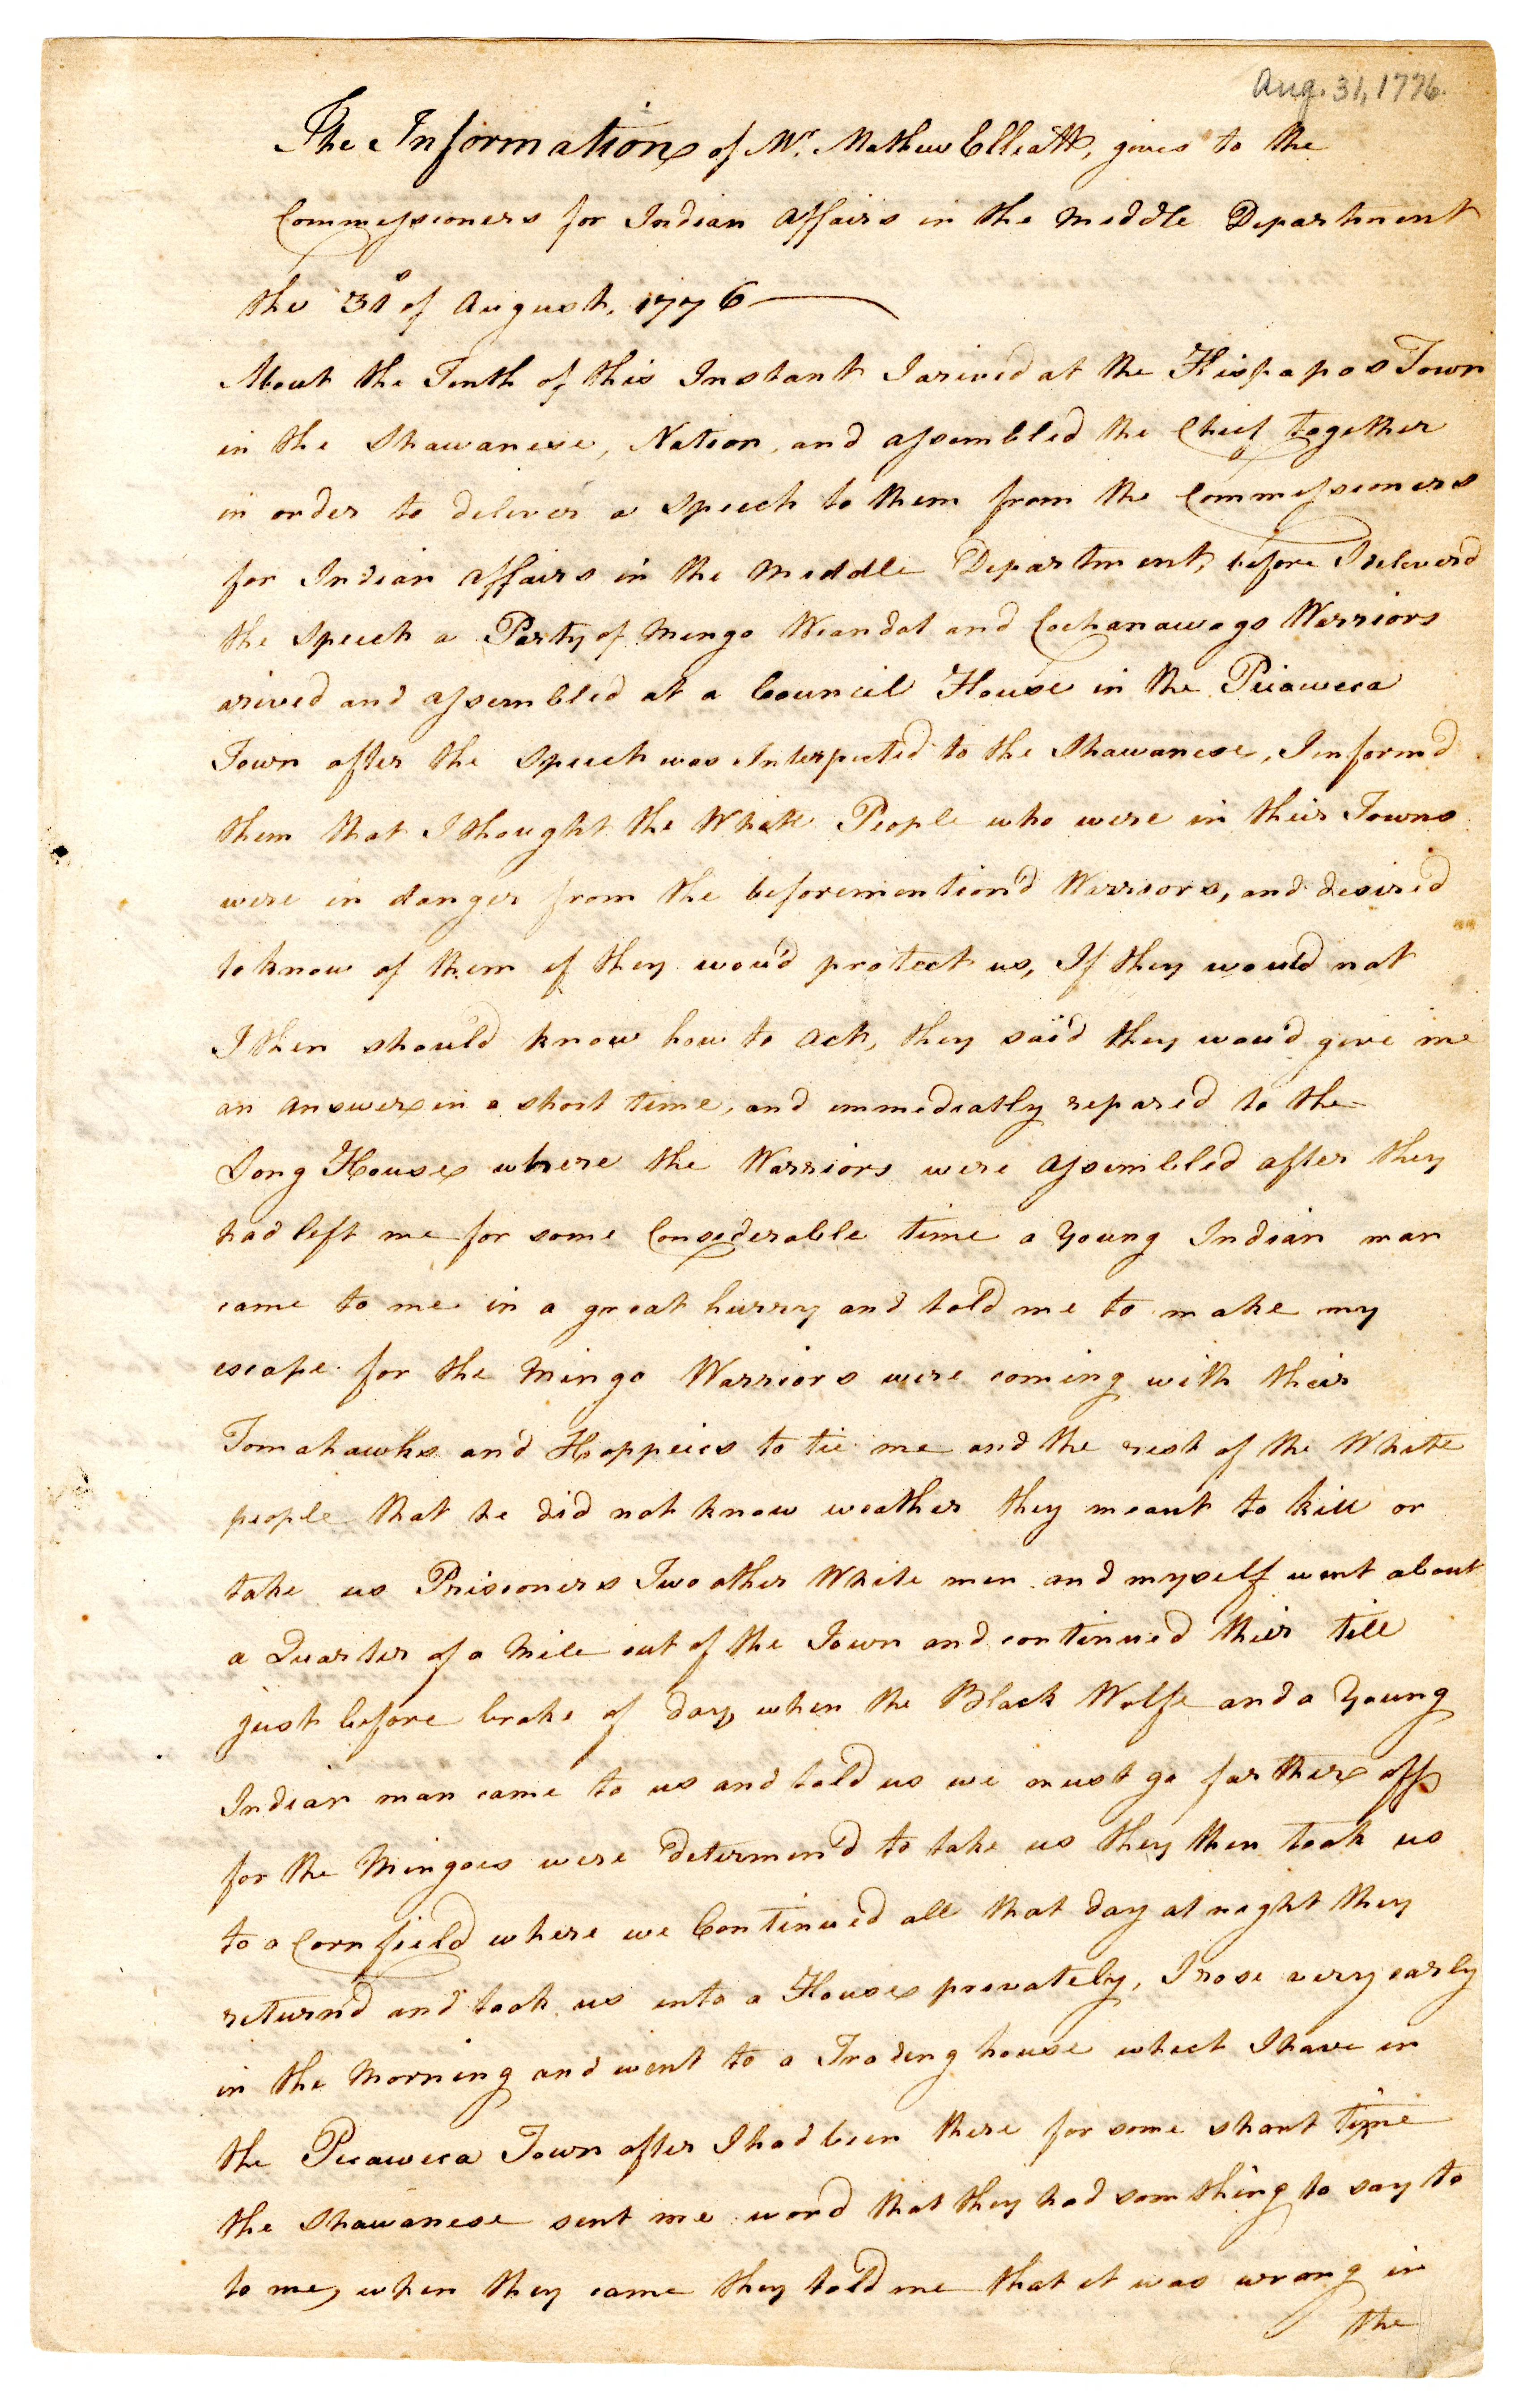Thee Informations of M^r. Mathew Elliott, gives to the
Commissioners for Indian Affairs in the Middle Department
the 31^t of August, 1776
About the Tenth of this Instant I arived at the Kickapoo Town
in the Shawanese Nation and assembled the Chief together
in order to deliver a speech to them from the Commissioners
for Indian affairs in the Middle Department, before I deliver'd
the Speech a Party of Mingo Wiandot and Cochanawago Warriors
arived and assembled at a Council House in the Peiawera
Town after the speech was Interpreted to the Shawanese, I inform'd
them that I thought the White People who were in their Towns
were in danger from the before mention'd Warriors, and desir'd
to know of them if they wou'd protect us, If they would not
I then should know how to act, they said they wou'd give me
an answer in a short time, and immediatly repared to the
Long Houses where the Warriors were assembled after they
had left me for some Considerable time a Young Indian man
came to me in a great hurry and told me to make my
escape for the Mingo Warriors were coming with their
Tomahawks and Hoppecies to tie me and the rest of the White
people that he did not know weather they meant to kill or
take us Prisoners Two other White men and myself went about
a Quarter of a Mile out of the Town and continued their till
just before brake of day, when the Black Wolfe and a Young
Indian man came to us and told us we must go farther off
for the Mingoes were determin'd to take us they then took us
to a Cornfield where we Continued all that day at night they
return'd and took us into a Houses privately, I rose very early
in the Morning and went to a Trading house which I have in
the Peiawera Town after I had been there for some short time
the Shawanese sent me word that they had som thing to say to
to me, when they came they told me that it was wrong in
the